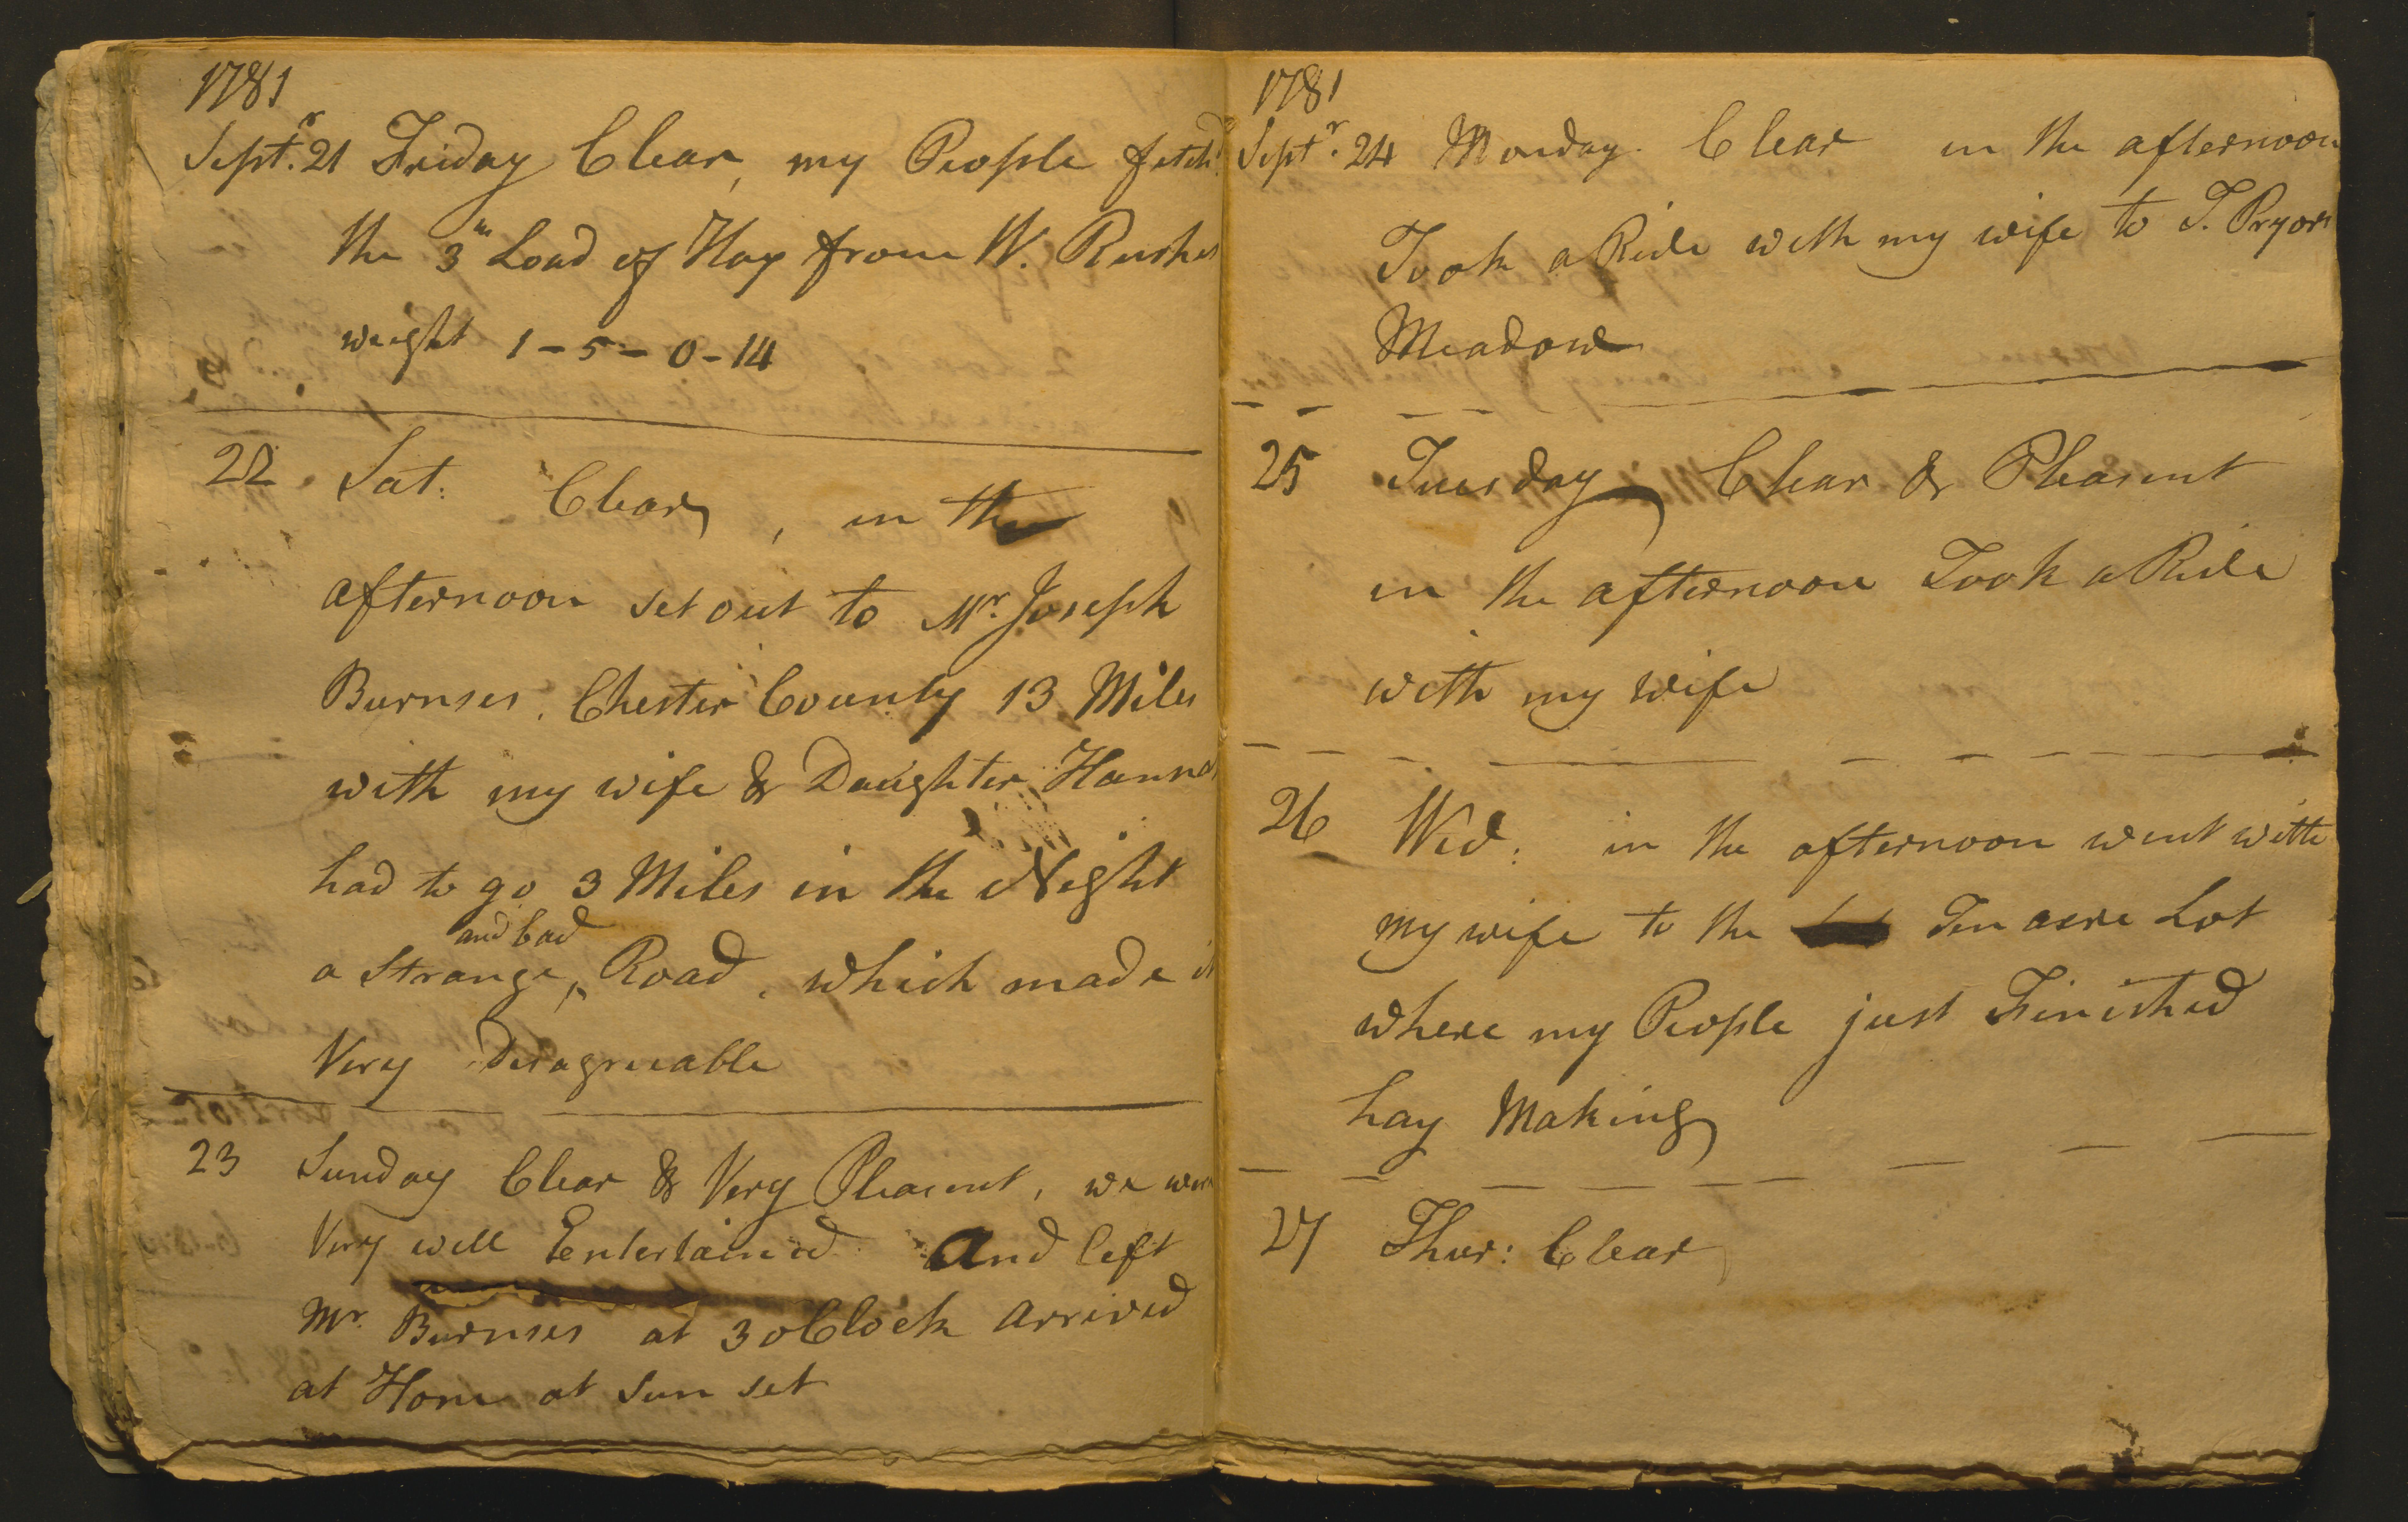1781
Sept^r. 21 Friday Clear my People fetch^d.
The 3^th Load of Hay from W. Rushes
weight 1-5-0-14
22 Sat. Clear in the
afternoon set out to M^r. Joseph
Burnses. Chester County 13 Miles
with my wife & Daughter Hanna
had to go 3 Miles in the Night
and bad
a Strange ^ Road. which made it
Verey disagreeable
23 Sunday Clear & Very Pleasent, we were
Very well Entertained. and left
M^r. Burnses, at 3 oClock arrived
at Hone at sun set
1781
Sept^r. 24 Monday. Clear in the afternoon
Took a Ride with my wife to T. Pryor
Meadow
25 Tuesday Clear & Pleasent
in the afternoon Took a Ride
with my wife
26 Wed. in the afternoon went with
my wige to the [Lot] Ten acre Lot
where my People just Finished
hay Making
27 Thur: Clear